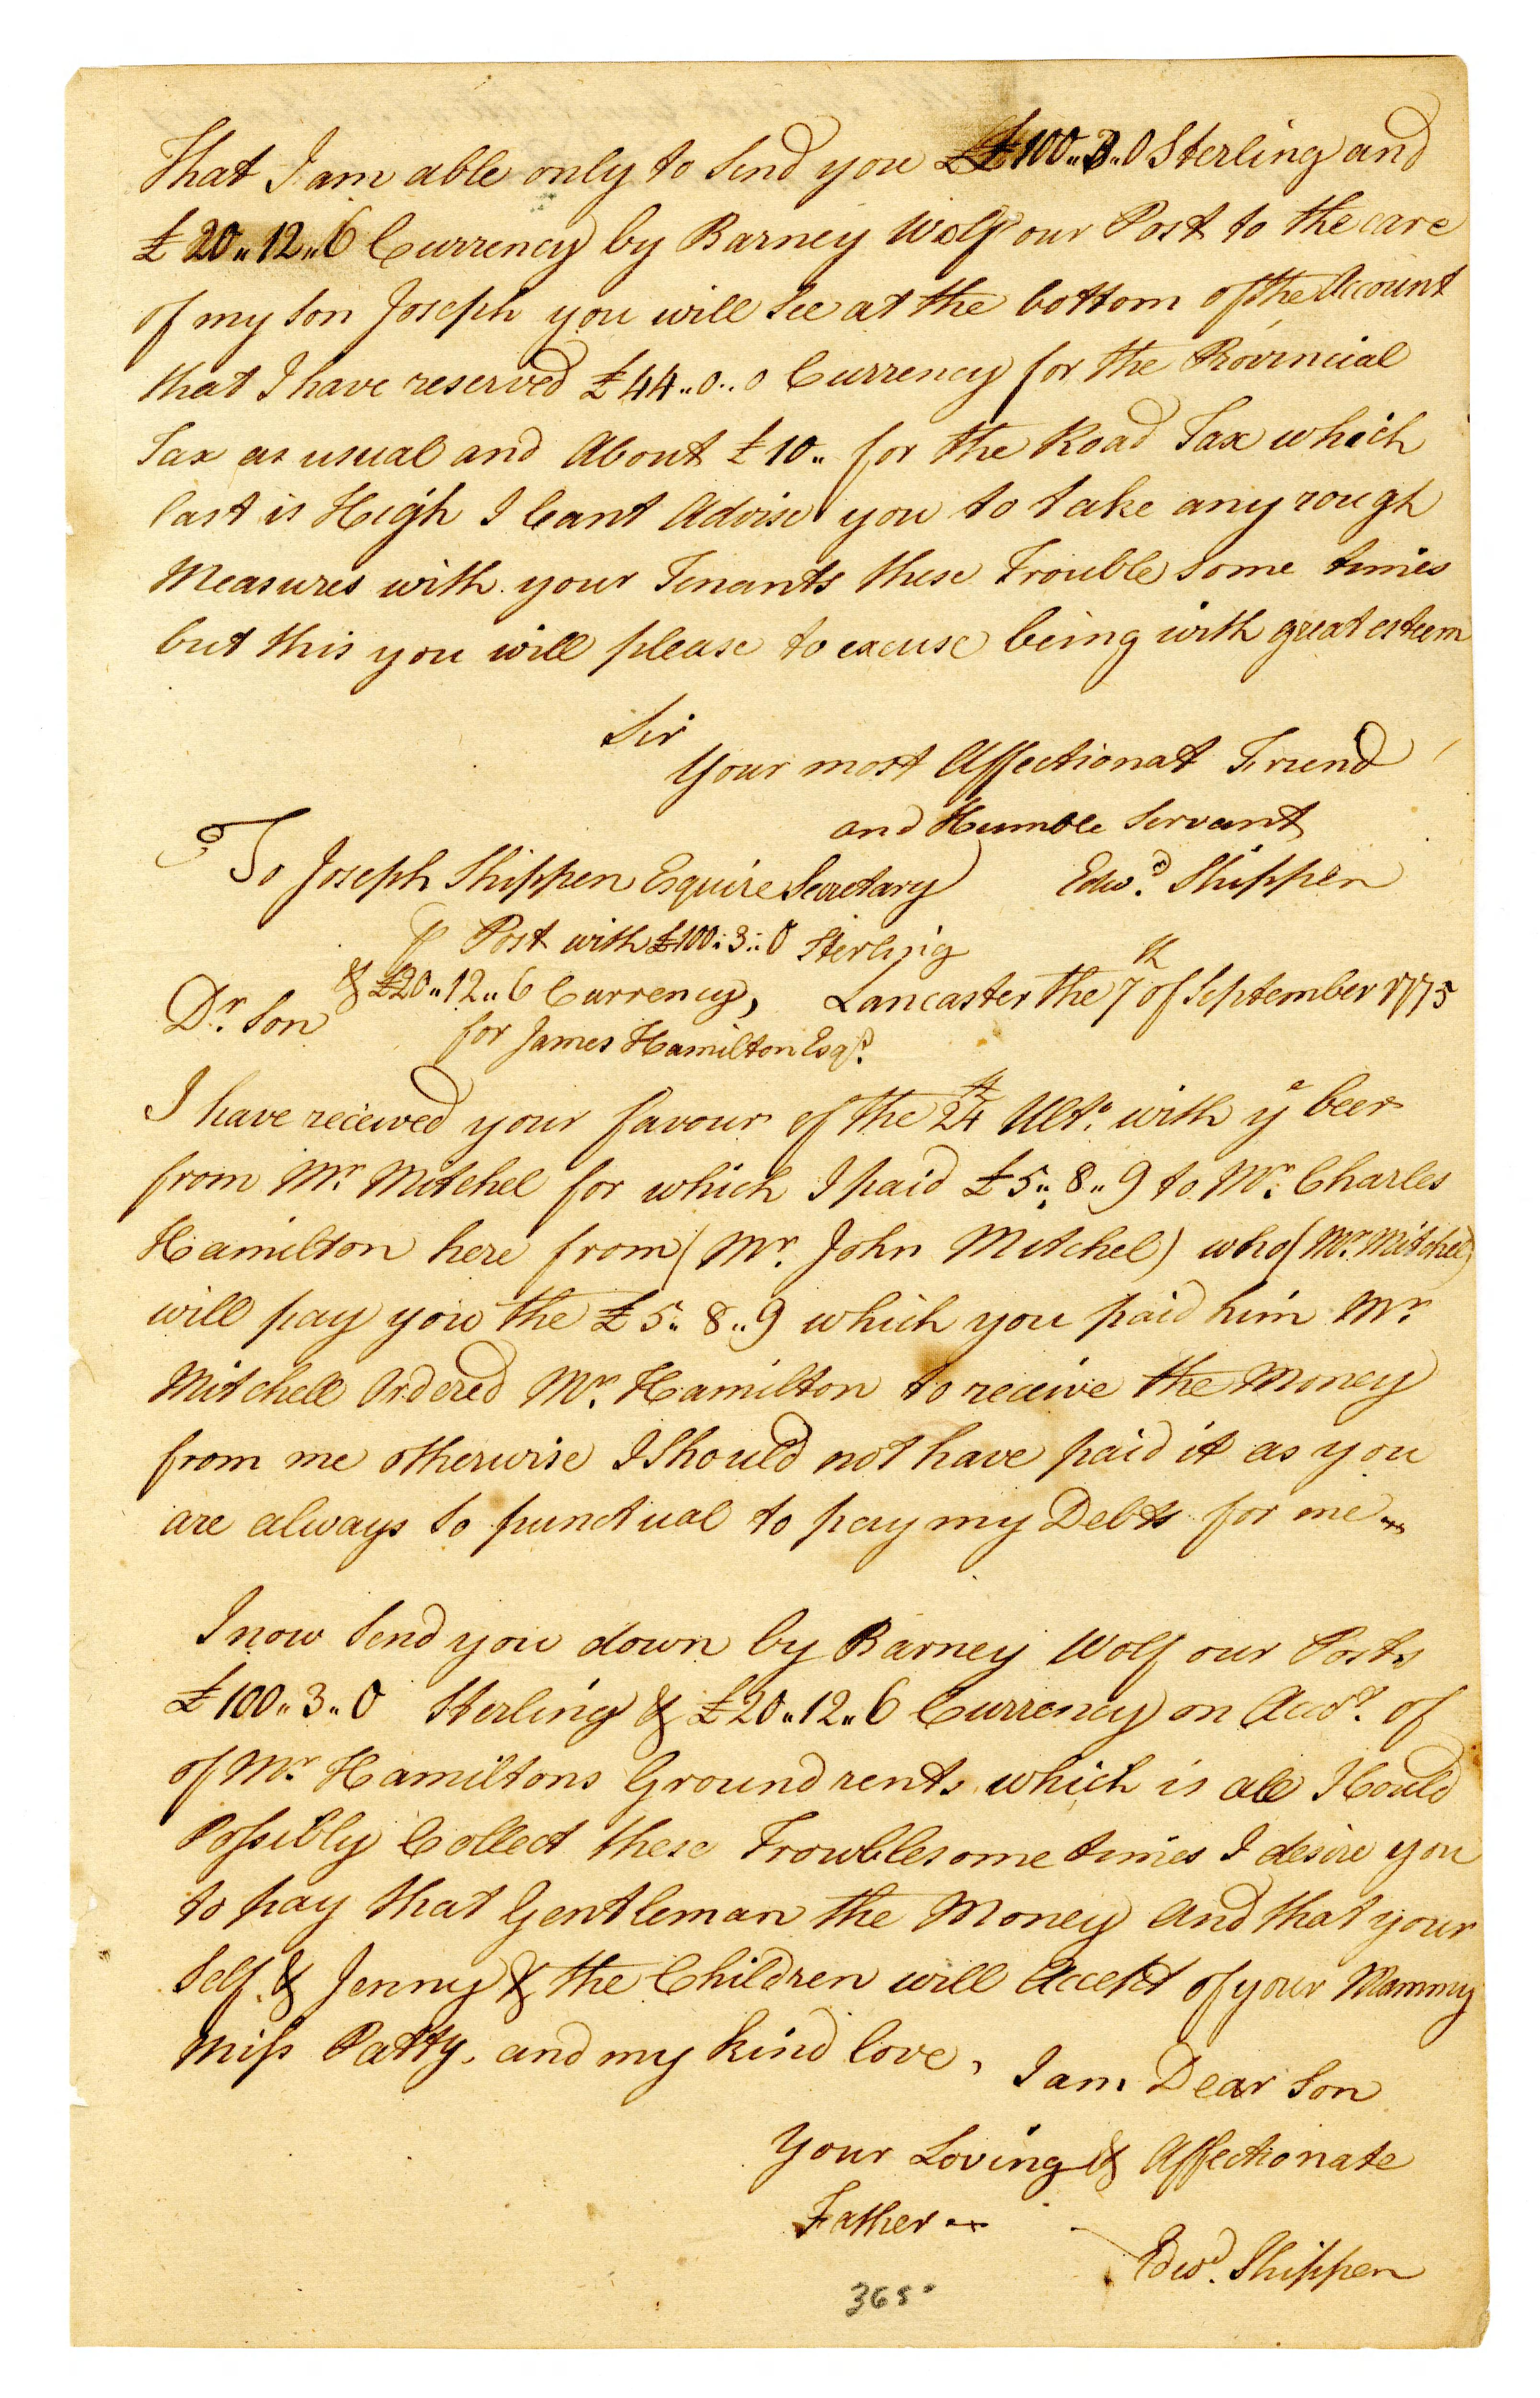That I am able only to send you £100..3..0 Sterling and
£20..12..6 Currency by Barney Wolf our Post to the care
of my Son Joseph you will see at the bottom of the Account
that I have reserved £44..0..0 Currency for the Provincial
Tax as usual and About £10.. for the Road Tax which
Part is High I Cant Advise you to take any rough
Measures with your Tenants these Trouble some times
but this you will please to excuse
being with great esteem
Sir
Your most Affectionat Friend
and Humble Servant
Edw.^d Shippen
To Joseph Shippen Esquire Secretary
per Post with & £100..3..0 Sterling
& £20..12..6 Currency,
for James Hamilton Esq^r.
Lancaster the 7^th of September 1775
D^r. Son
I have received your favour of the 24^th Ult^o. with y^e beer
from M^r. Mitchel for which I paid £5..8..9 to M^r. Charles
Hamilton here from (M^r. John Mitchel) who (M^r. Mitchel)
will pay you the £5..8..9 which you paid him M^r.
Mitchell Ordered M^r. Hamilton to receive the Money
from me otherwise I should not have paid it as you
are always So punctual to pay my Debts for me.
I now Send you down by Barney Wolf our Posts
£100..3..0 Sterling & £20..12..6 Currency on Acco^t. of
of M^r. Hamiltons Ground renys which is all I Could
Possibly Collect these Troublesome times I desire you
so pay that Gentleman the Money And that your
Self, & Jenny & the Children will Accept of your Mammy
Miss Patty, and my kind love,
I am Dear Son
Your Loving & Affectionate
Father-
Edw^d. Shippen